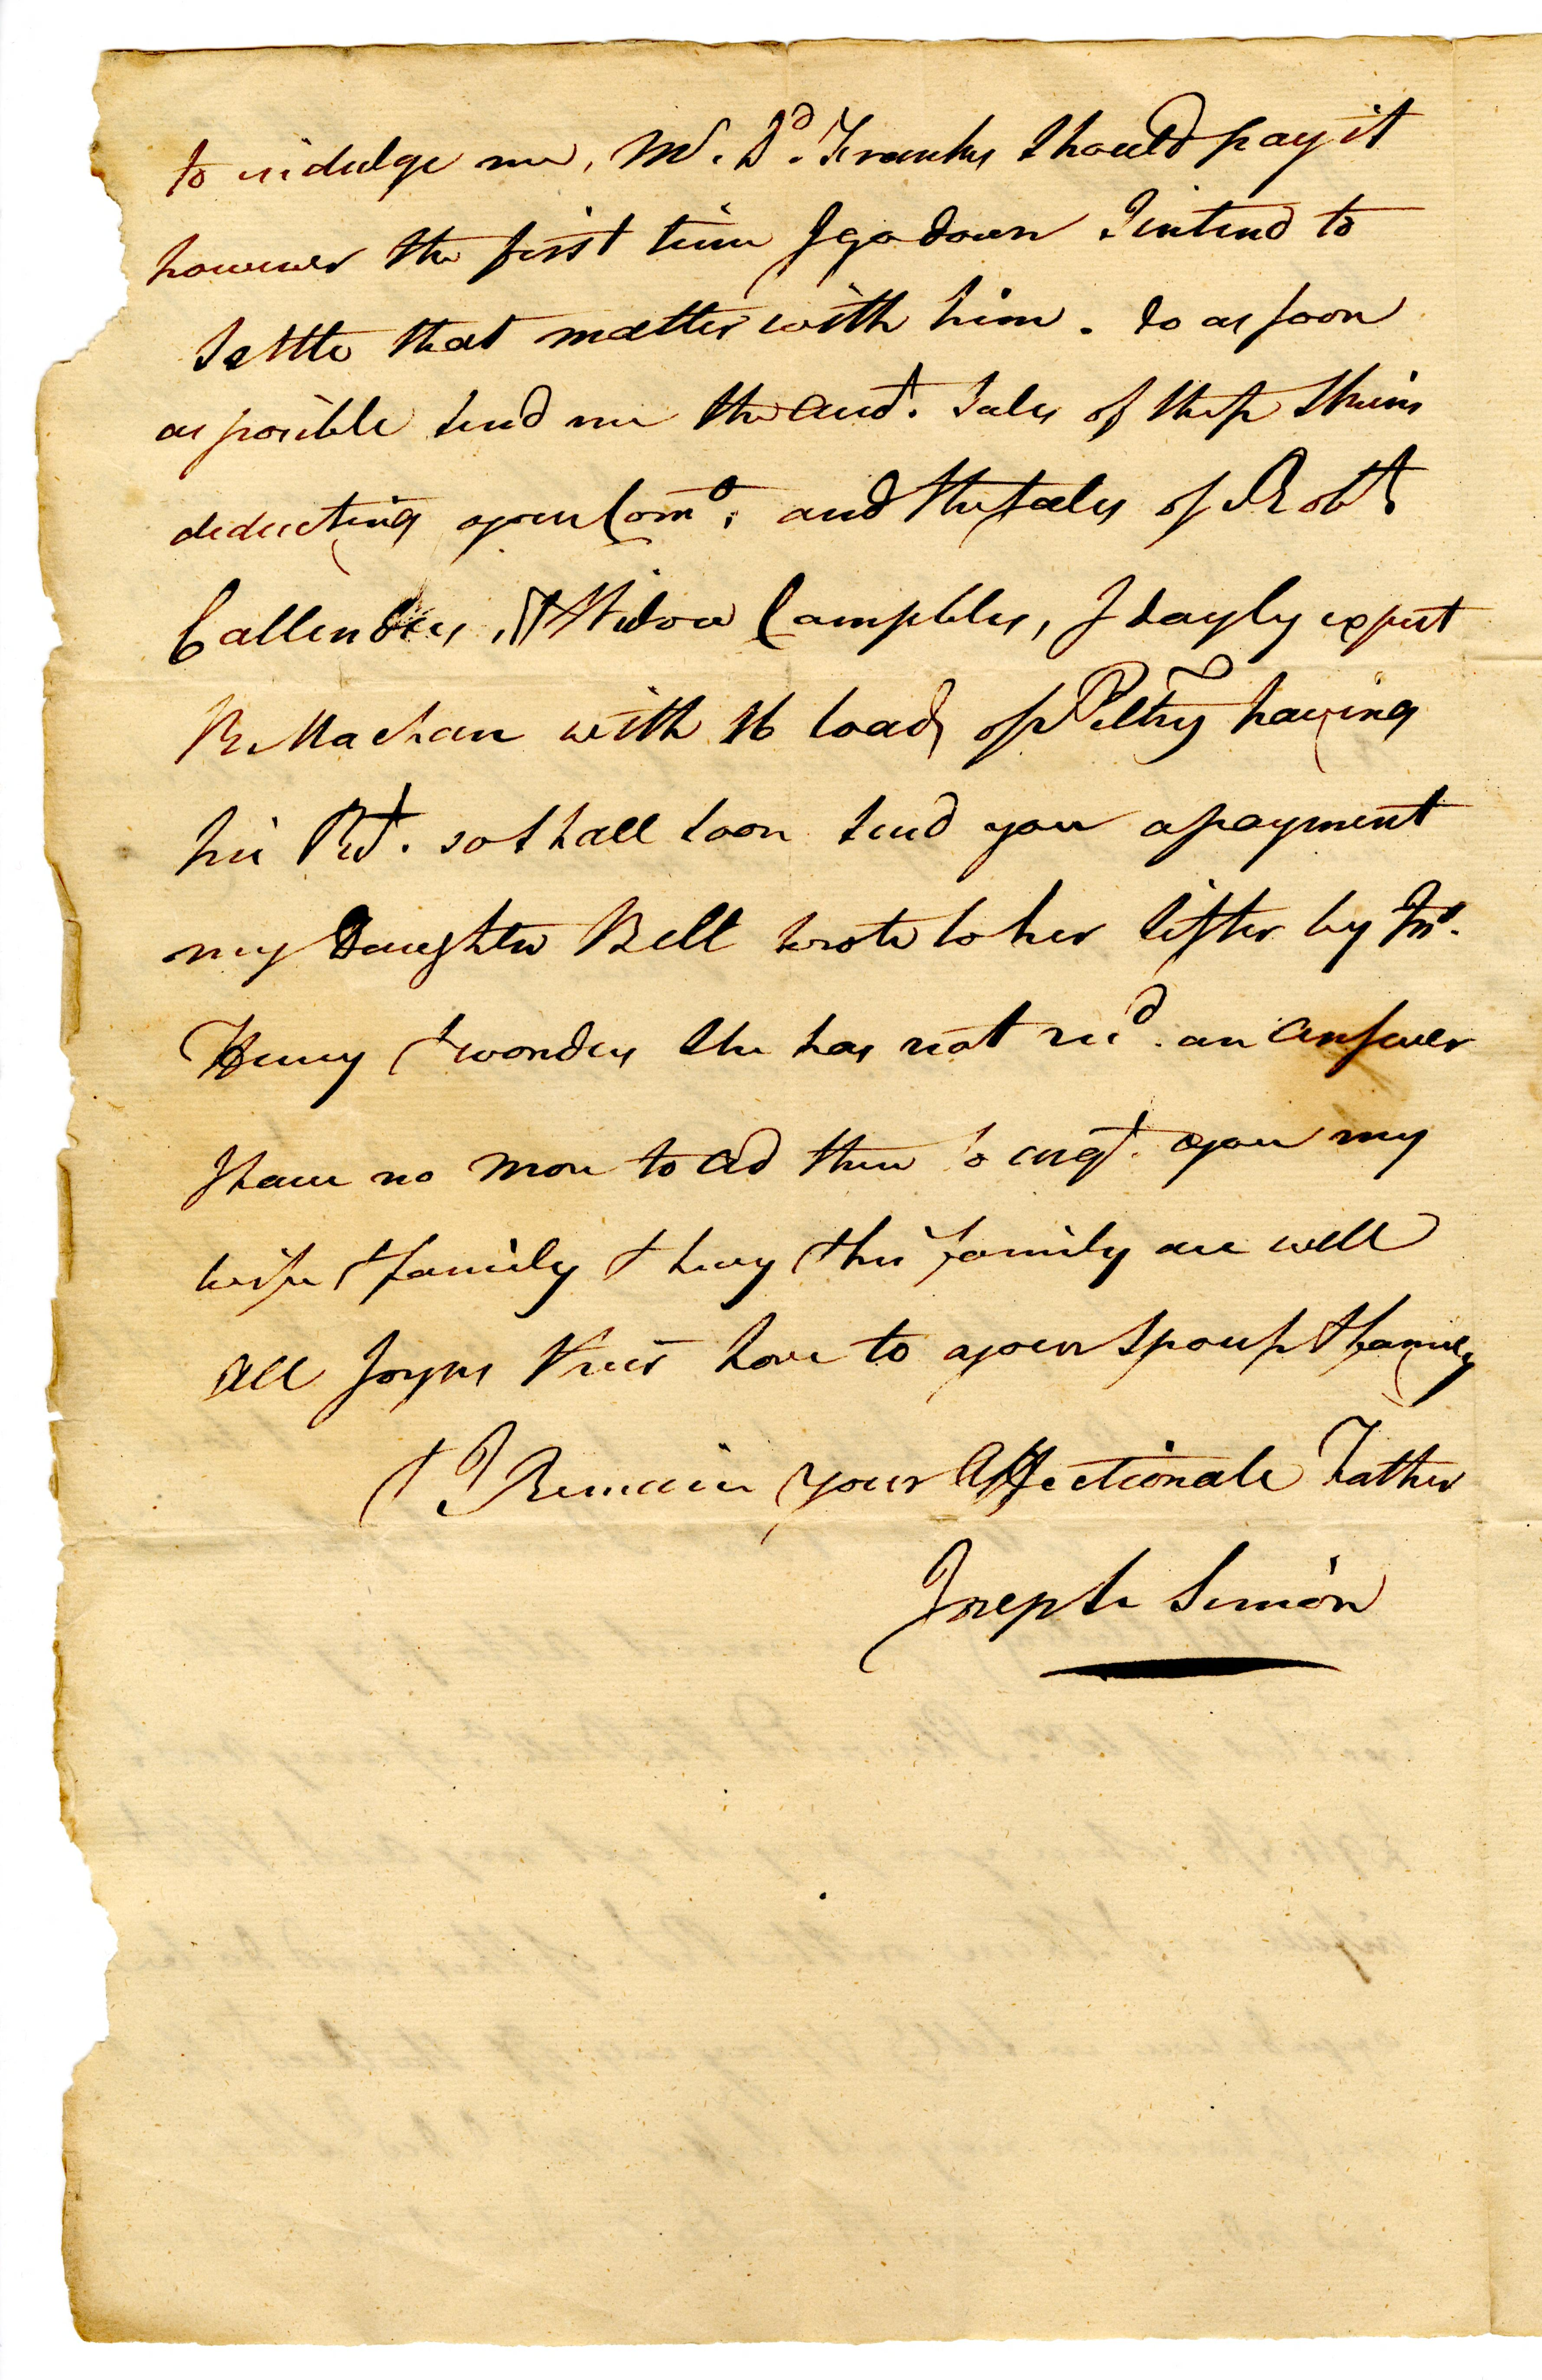to indulge me, M^r. D^d. Franks should pay it
however the first time I go down I intend to
Settle that matter with him. So as soon
as possible send me the Acco^t. Sales of these skins
deducting you Com^o, and the sales of Rob^t.
Callenders & Widow Campbles, I dayly expect
R. Machan with 16 loads on Peltry having
his Re^t. so shall soon send you a payment
my Daughter Bell wrote Sister by M^r
Henry & wonder she has not rec^d. an Answer
I have no more to Ad then so acq^t you my
wife & family & say the family are well
all Joyns their love to your spouse & family
& I remain your Affectionate Father
Joseph Simon